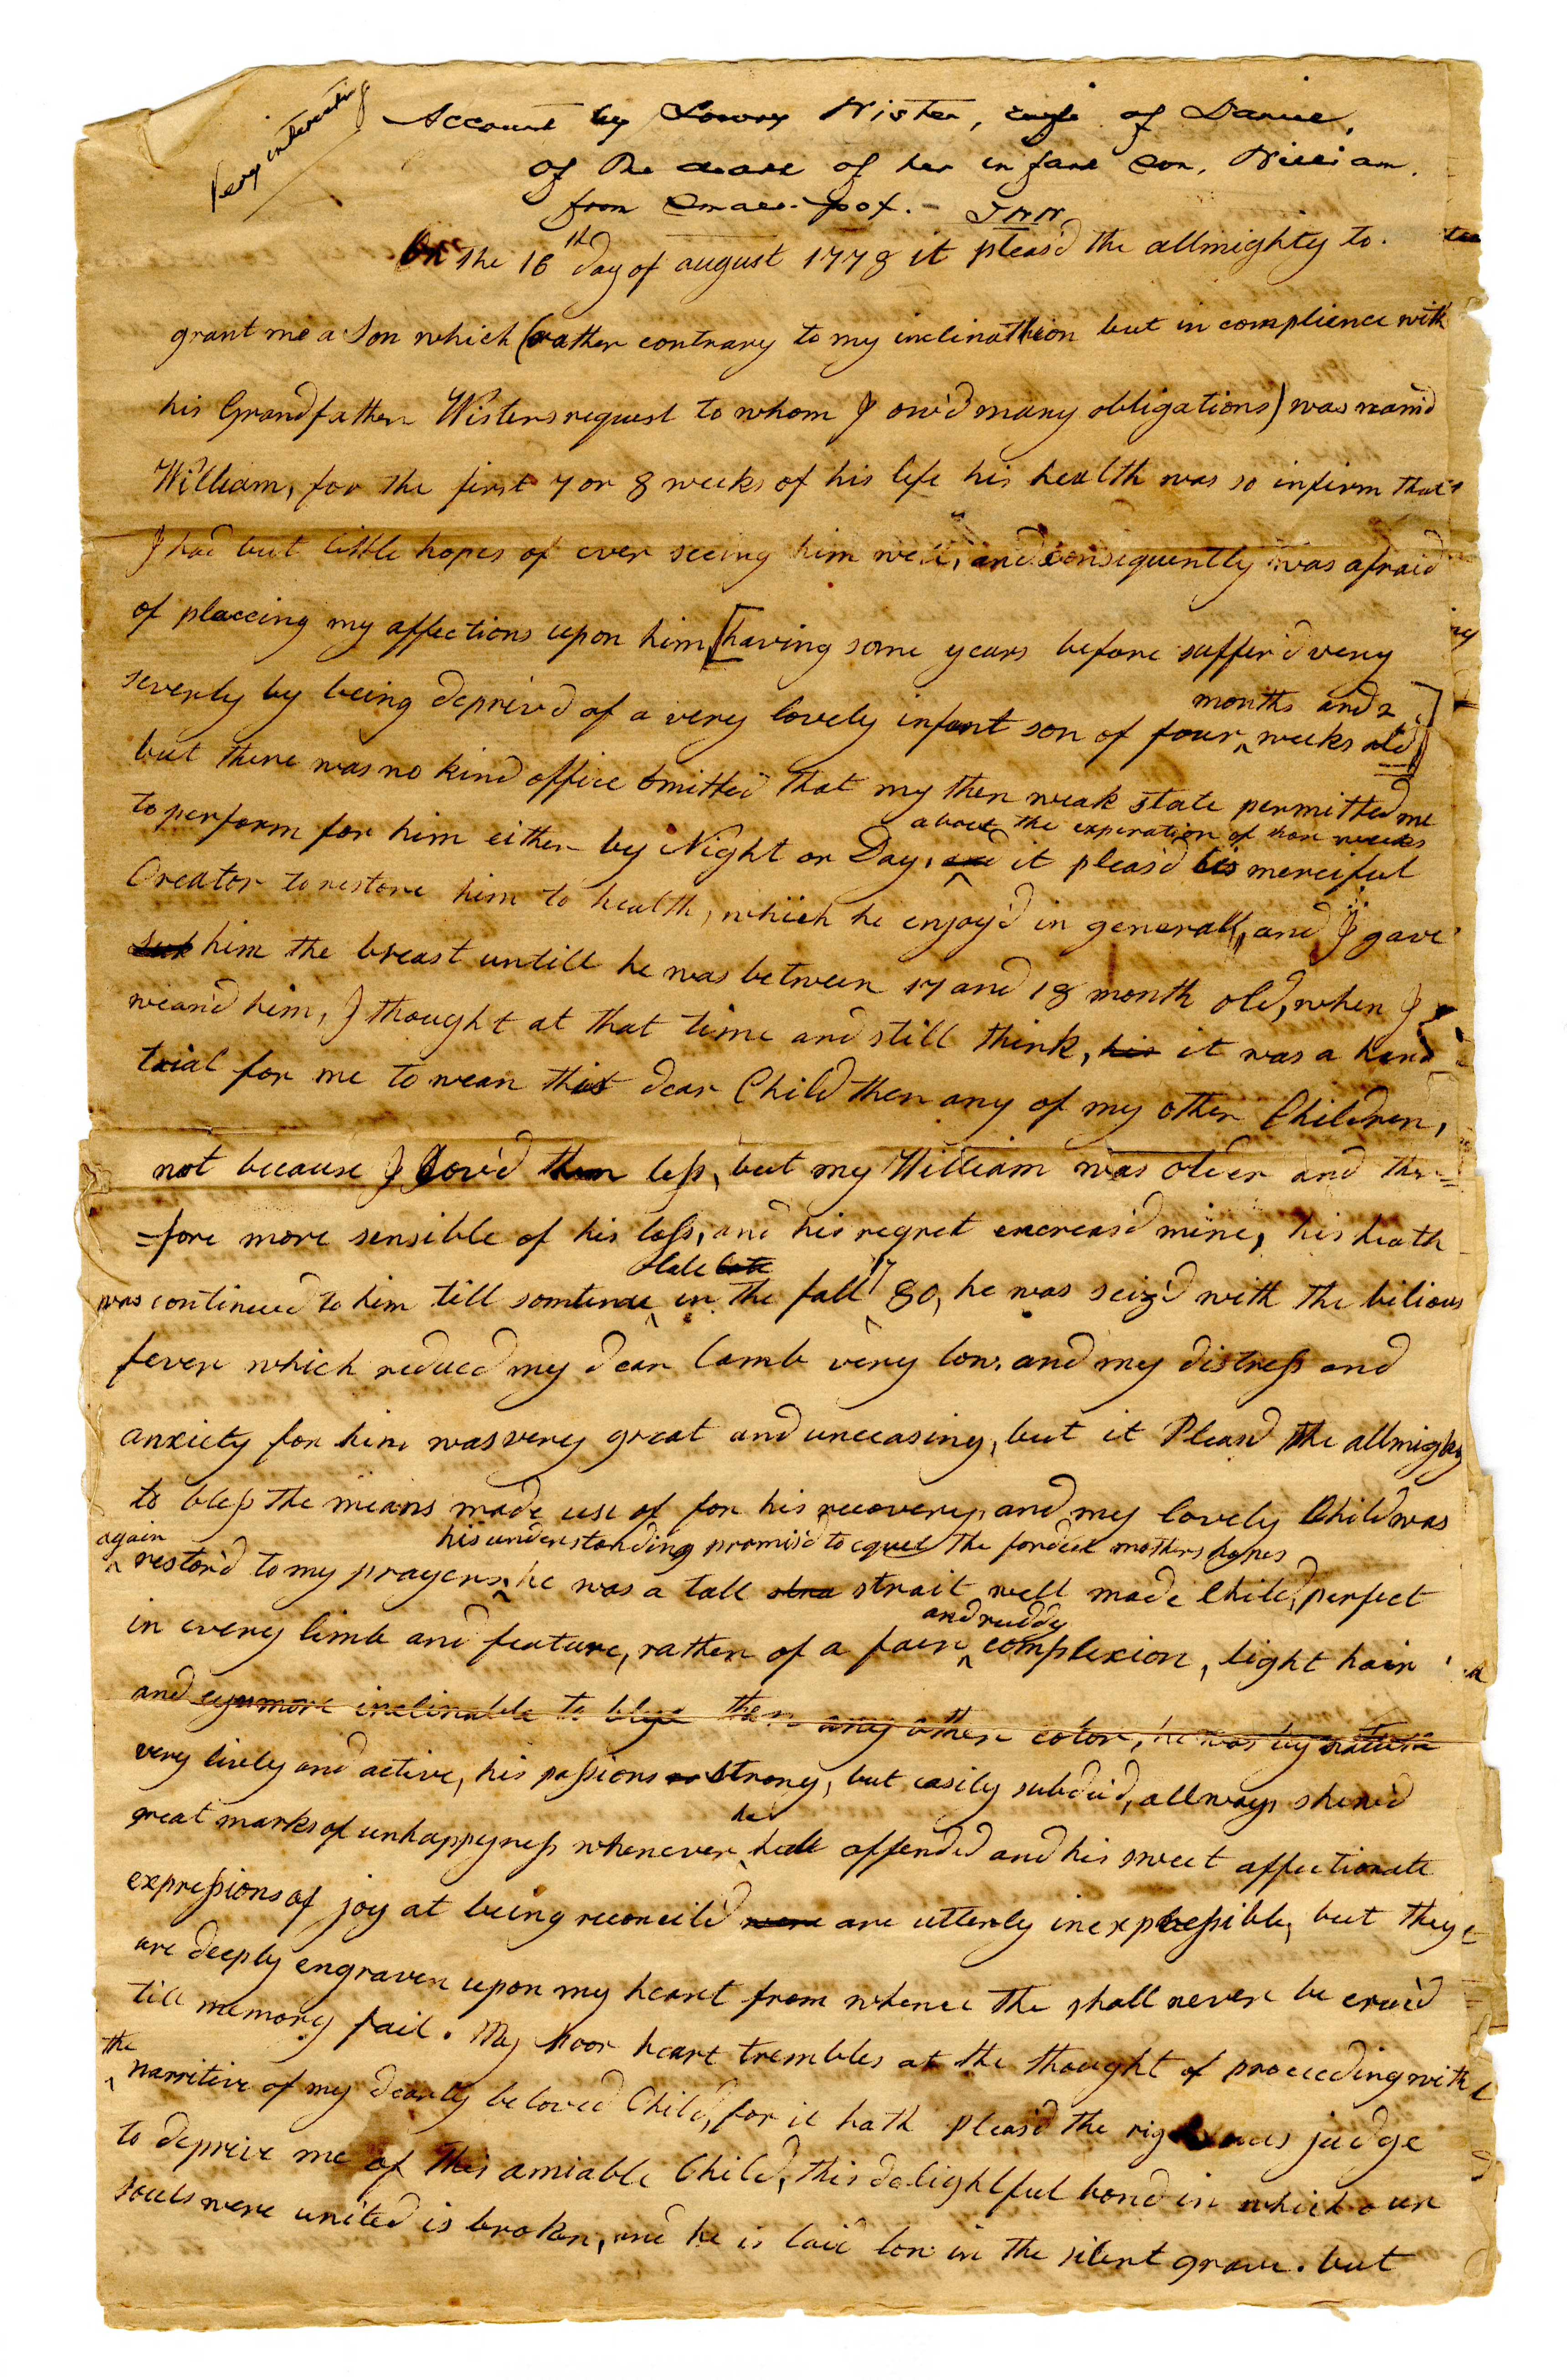Very interesting
Account by Lowry Wister, wife of Daniel,
of the death of her infant son, William.
from small-pox. JWW
On the 16^th day of august it pleas'd the allmighty to
grant me a son which (rather contrary to my inclination but in compliance with
his Grandfather Wisters request to whom I ow'd many obligations) was nam'd
William, for the first 7 or 8 weeks of his life his health was so infirm that
I had but little hopes of ever seeing him well, and consequently was afraid
of placeing my affections upon him (having some years before suffer'd very
months and 2)
severly by being deprivd of a very lovely infant son of four ^ weeks old)
but there was no kind office omitted that my then weak state permitted me
about the experation of those weeks
to perform for him either by Night or Day, [as] ^ it pleas'd his merciful
Creator to restore him to health, which he enjoy'd in generall, and I gave
[suk] him the breast until he was between 17 and 18 month old, when I
wean'd him, I thought at that time and still think, [his] it was a hard
trial for me to wean this dear Child then any of my other Children,
not because I lov'd them less, but my William was older and there-
-fore more sensible of his loss, and his regret encreased mine, his heath
late [late]
was continued to him till sometime ^ in the fall ^17 80, he was seized with the bilious
fever which reducd my dear lamb very low, and my distress and
anxiety for him was very great and unceasing, but it Pleasd the allmighty
to bless the means made use of for his recovery, and my lovely Child was
again
his understanding promis'd to equal the fondest mothers hopes
^ restor'd to my prayers ^ he was a tall [stra] strait well made Child, perfect
and ruddy
in every limb and feature, rather of a fair ^ complexion, light hair
and eyes more inclinable to blue than any other color, he was by nature
very lively and active, his passions [__] Strong, but easily subdu'd, allways shew'd
he
great marks of unhappyness whenever ^ had offended and his sweet affectionate
expressions of joy at being reconcil'd [were] are utterly unexpressible, but they
are deeply engraven upon my heart from whence the shall never be eras'd
till memory fail. My poor heart trembles at the thought of proceeding with
the
^ narritive of my dearly beloved Child, for it hath pleas'd the righteous judge
to deprive me of the amiable Child, this delightful bond in which our
souls were united is broken, and he is laid low in the silent grave. but